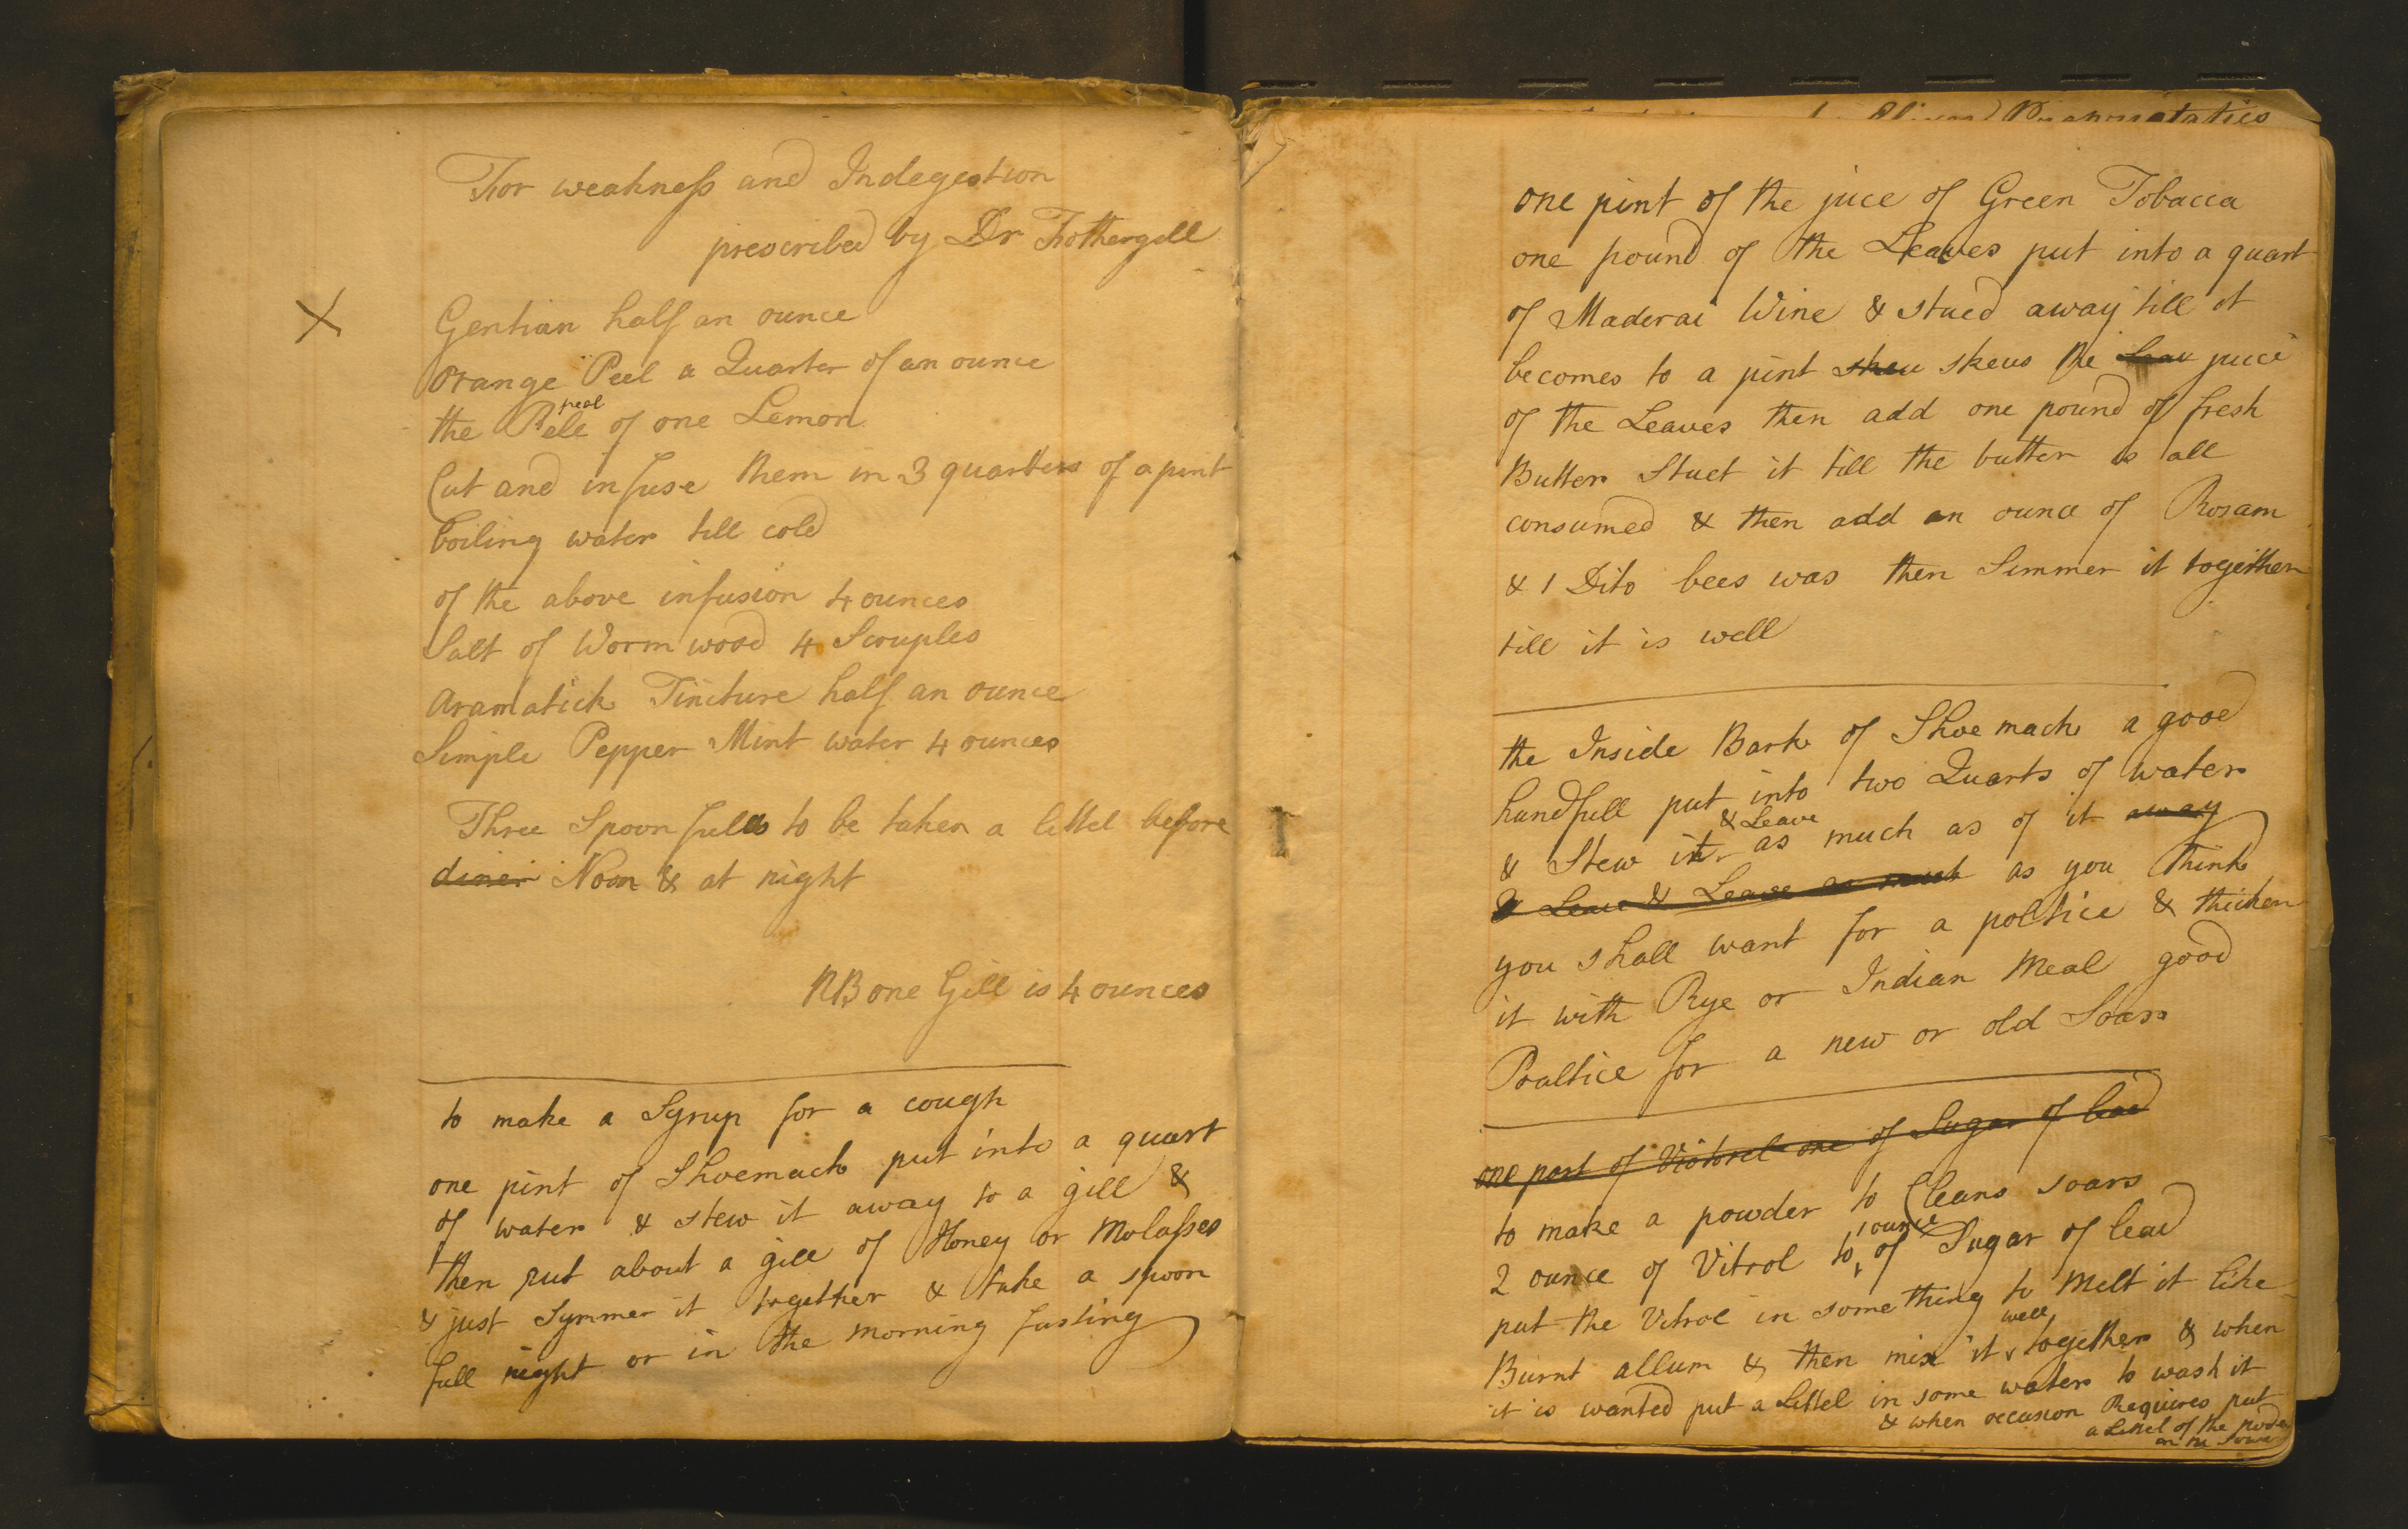For weakness and Indegestion
prescribed by Dr Fothergill
Gentian half an ounce
orange Peel a Quarter of an ounce
peal
the Pele of one Lemon
Cut and infuse them in 3 quarters of a pint
boiling water till cold
of the above infusion 4 ounces
salt of worm wood 4 Scruples
Aramatick Tincture half an ounce
simple Pepper Mint water 4 ounces
Three spoon fulls to be taken a littel before
[diner] Noon & at night
NB one Gill is 4 ounces
to make a syrup for a cough
one point of shoemach put into a quart
of water & stew it away to a gill &
then put about a gill of Honey or Molasses
& just symmer it together & take a spoon
full night or in the morning fasting
one pint of the juice of Green Tobacca
one pound of the Leaves put into a quart
of Maderai Wine & stued away till it
becomes to a pint [skeu] skew the [Leav] juice
of the Leaves then add one pound of fresh
Butter Stuet it till the Butter is all
consumed & then add an ounce of Rosam
& 1 Dito bees wax then Simmer it together
till it is well
the Inside Bark of Shoemach a good
handfull put into two Quarts of water
& Leave
& stew it ^ as much as of it [away]
[& Leave & Leave a week] as you think
you shall want for a poltice & thicken
it with Rye or Indian Meal good
Poultice for a new or old Soar
[one part of Victrel one of Sugar of lead]
1 ounce
to make a powder to Cleans soars
2 ounce of Vitrol to ^ of sugar of lead
put the Vitrol in something to Melt it like
well
Burnt allum & then mix it ^ together & when
it is wanted put a Littel in some water to wash it
& when occasion Requires put
a Littel of the poder
on the sower